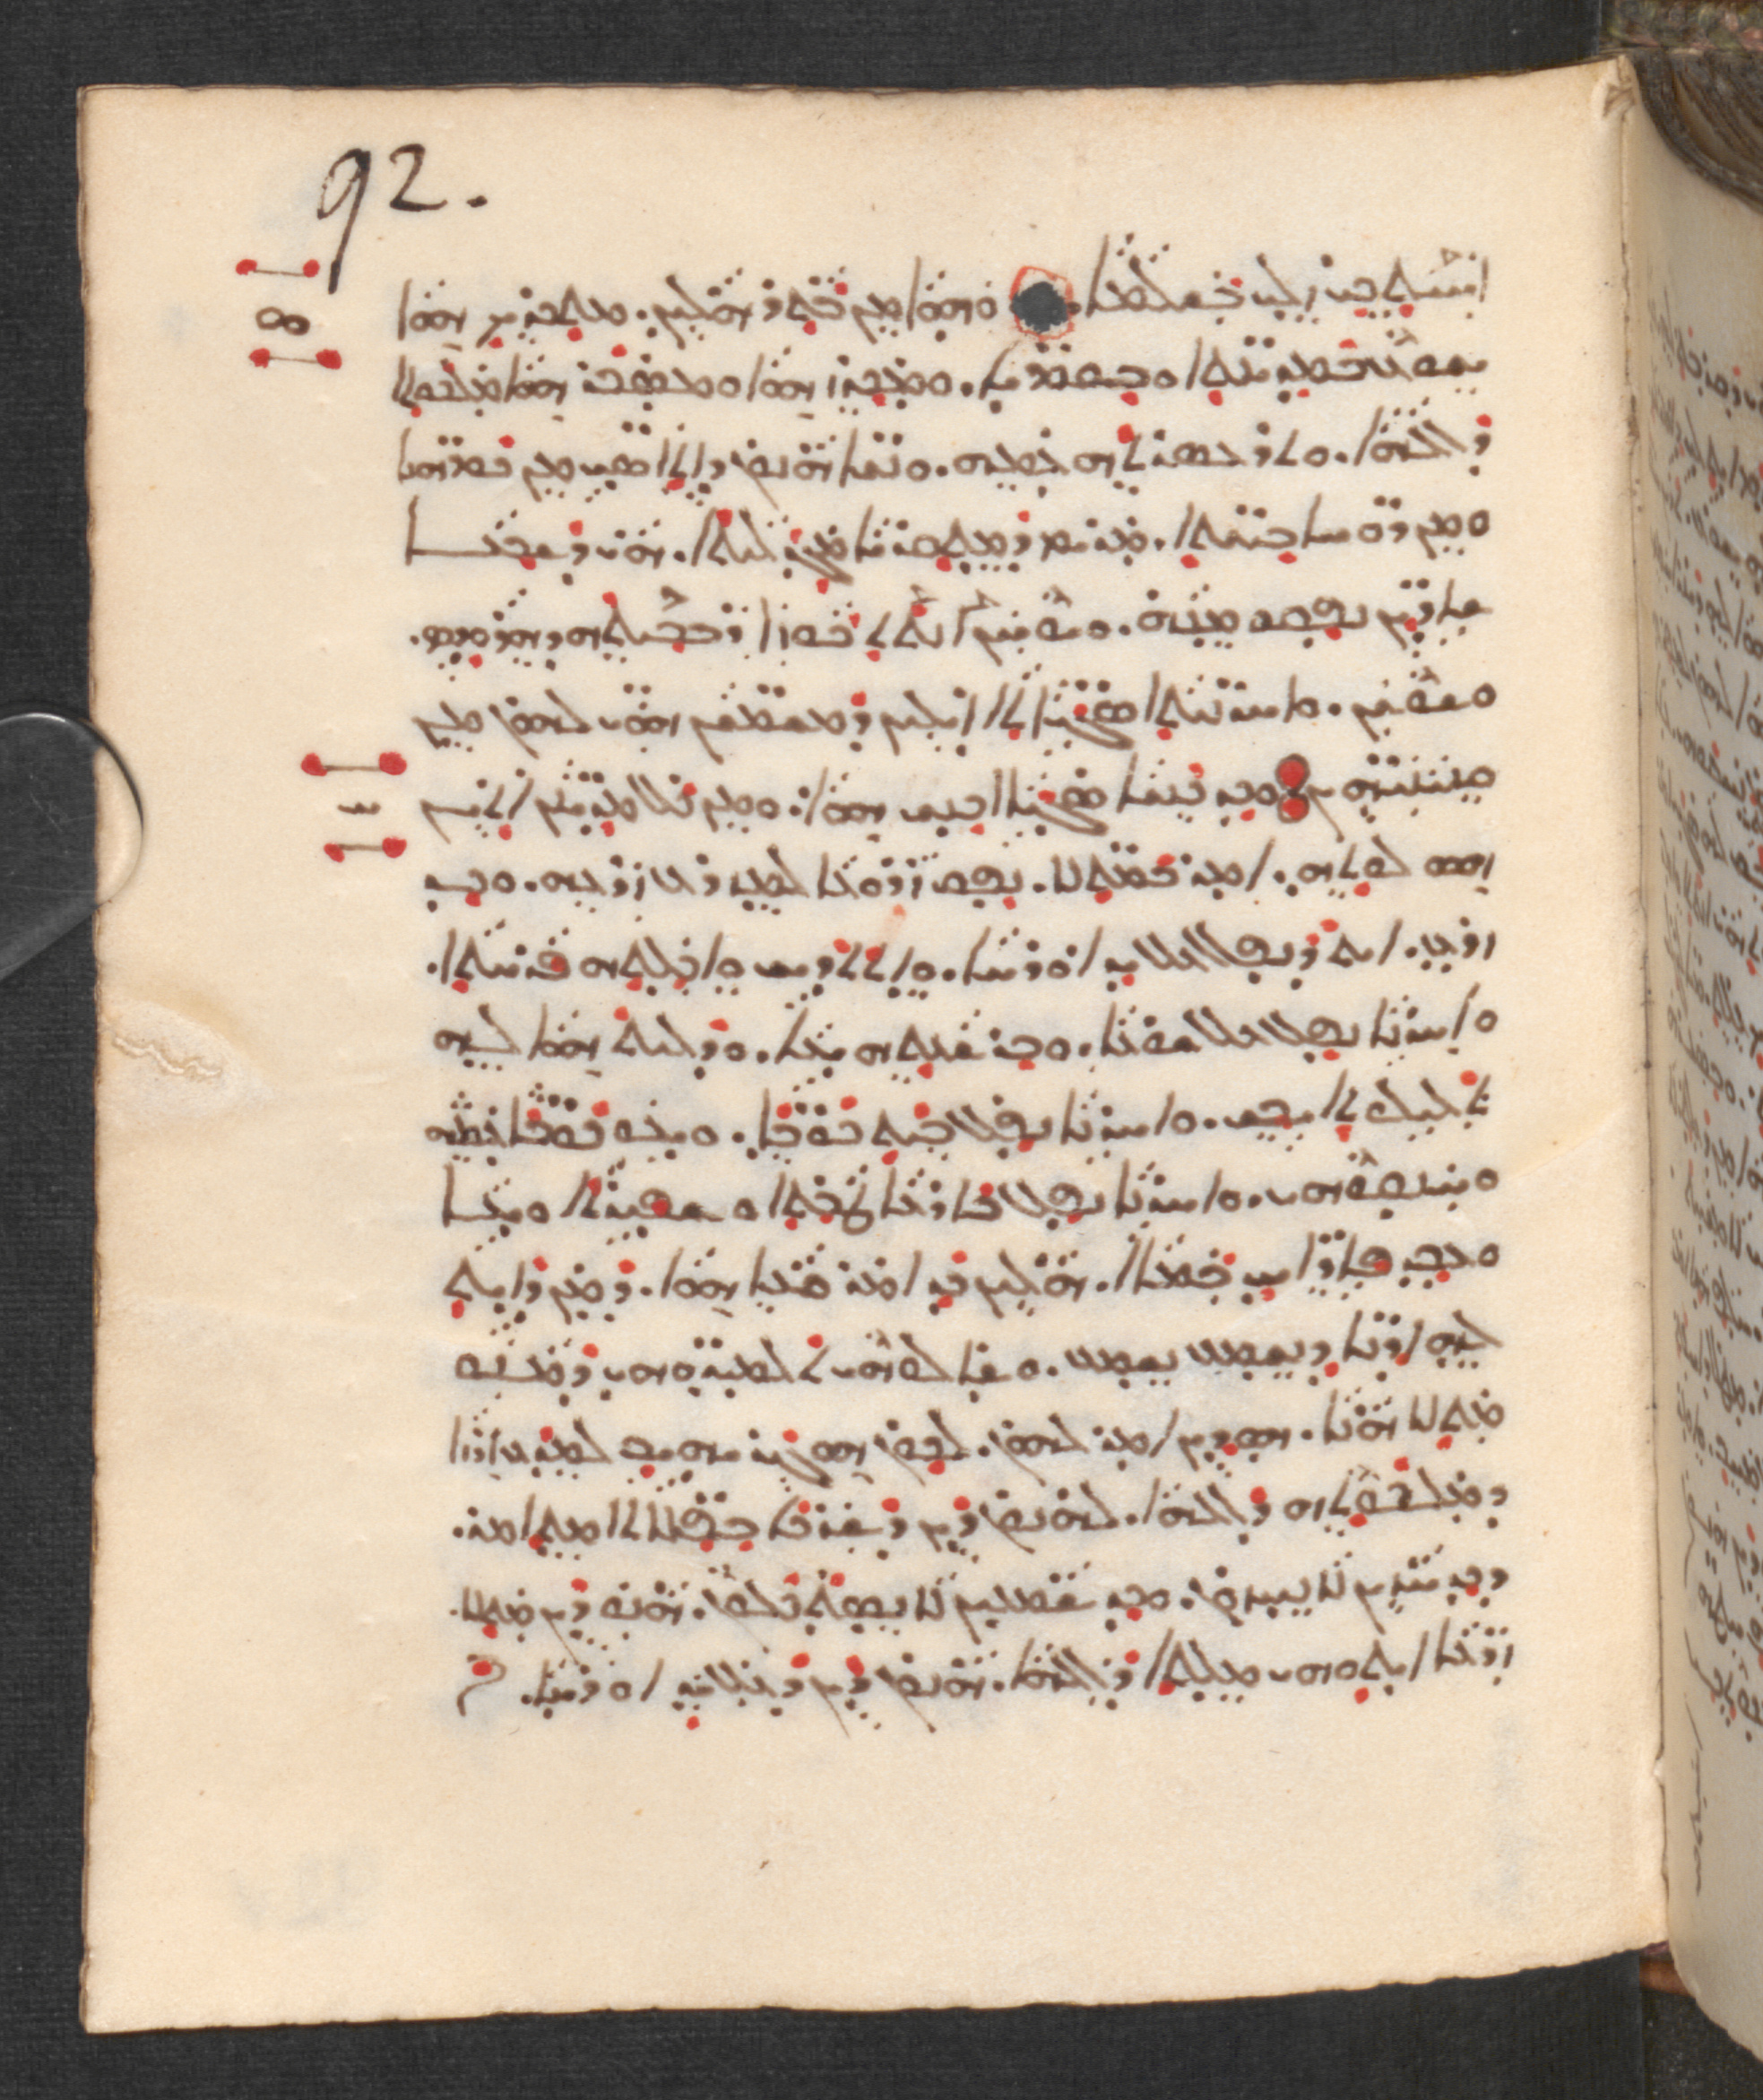ܐܚܝܬܟܝ ܙܠ̣ܝ ܒܫܠܡܐ܀ ܘܗܘܐ ܡ̣ܢ ܒܬܪ ܗܠܝܢ܆ ܡܬܟܪܟ ܗܘܐ
ܝܫܘܥ ܒܡܕܝܢ̈ܬܐ ܘܒܩܘܪ̈ܝ̣ܐ܆ ܘܡܟܪܙ ܗܘܐ ܘܡܣܒܪ ܗܘܐ ܡܠܟܘܬܐ
ܕܐܠܗܐ. ܘܬܪܥܣܪܬܗ ܥܡܗ. ܘܢܫ̈ܐ ܗ̇ܢܘܢ ܕܐܬܐܣܝ ܡ̣ܢ ܟܘܪ̈ܗܢܐ
ܘܡ̣ܢ ܪ̈ܘܚܐ ܒܝ̈ܫܬܐ. ܡܪܝܡ ܕܡܬ̣ܩܪܝܐ ܡ̇ܓܕܠܝܬܐ. ܗ̇ܝ ܕܫܒܥܐ
ܫܐܕ̈ܝܢ ܢܦܩ̣ܘ ܡܢܗ̇. ܘܝܘܚܢ ܐܢܬܬ ܟܘܙܐ ܪܒܒܝܬܗ ܕܗܪܘܕܣ.
ܘܫܘܫܢ. ܘܐܚܪ̈ܢܝܬܐ ܣܓ̈ܝܐܬܐ ܐܝܠܝܢ ܕܡܫܡ̈ܫܢ ܗܘ̈ܝ ܠܗܘܢ ܡ̣ܢ
ܩܢܝܢܝ̈ܗܝܢ܀܀ ܘܟܕ ܟܢܫܐ ܣܓܝܐܐ ܟܢ̣ܫ ܗܘܐ܇ ܘܡ̣ܢ ܟܠ ܡܕܝ̈ܢܢ ܐܬܝ̇ܢ
ܗܘܘ ܠܘܬܗ܆ ܐܡ̣ܪ ܒܡ̈ܬܠܐ. ܢܦ̣ܩ ܙܪܘܥܐ ܠܡܙܪܥ ܙܪܥܗ. ܘܟܕ
ܙܪܥ̣܆ ܐܝܬ ܕܢܦ̣ܠ ܥܠ ܝܕ ܐܘܪܚܐ. ܘܐ̣ܬܬܕܝܫ ܘܐܟܠܬܗ ܦܪܚܬܐ.
ܘܐܚܪܢܐ ܢܦ̣ܠ ܟܠ ܫܘ̇ܥܐ. ܘܒܪ ܫܥܬܗ ܝ̣ܥܐ. ܘܕܠܝܬ ܗܘܐ ܠܗ
ܬܠܝܠܘܬܐ ܝܒܫ. ܘܐܚܪܢܐ ܢܦ̣ܠ ܒܝܬ ܟܘ̈ܒܐ܆ ܘܝܥ̣ܘ ܟܘ̈ܒܐ ܥܡܗ
ܘܚܢܩ̣ܘܗܝ. ܘܐܚܪܢܐ ܢܦ̣ܠ ܒܐܪܥܐ ܛܒ̇ܬܐ ܘܫܦܝ̣ܪܬܐ ܘܝ̣ܥܐ
ܘܥܒ̣ܕ ܦܐܪ̈ܐ ܚܕ ܒܡܐܐ. ܗ̇ܠܝܢ ܟܕ ܐܡ̇ܪ ܩ̇ܥܐ ܗܘܐ. ܕܡ̇ܢ ܕܐܝ̣ܬ
ܠܗ ܐܕ̈ܢܐ ܕܢܫܡ̣ܥ ܢܫܡ̣ܥ. ܘܫ̣̇ܐܠܘܗܝ ܬܠܡܝܕܘ̈ܗܝ ܕܡ̇ܢܘ
ܡܬܠܐ ܗ̇ܢܐ. ܗ̣ܘ ܕܝܢ ܐܡ̣ܪ ܠܗܘܢ. ܠܟܘܢ ܗܘܓܝܪ ܝܗ̣ܝܒ ܠܡܕܥ ܐܪܙܐ
ܕܡܠܟܘܬܗ ܕܐܠܗܐ. ܠܗ̇ܢܘܢ ܕܝܢ ܕܫܪܟܐ ܒܦ̈ܠܐܬܐ ܡܬ̣ܐܡܪ.
ܕܟܕ ܚ̇ܙܝܢ ܠܐ ܢܚ̣ܙܘܢ. ܘܟܕ ܫ̇ܡܥܝܢ ܠܐ ܢܣ̣ܬܟܠܘܢ. ܗ̇ܢܘ ܕܝܢ ܡܬܠܐ.
ܙܪܥܐ ܐܝܬܘܗܝ ܡܠܬܐ ܕܐܠܗܐ. ܗ̇ܢܘܢ ܕܝܢ ܕܥܠ ܝܕ ܐܘܪܚܐ܆
92.
ܚ